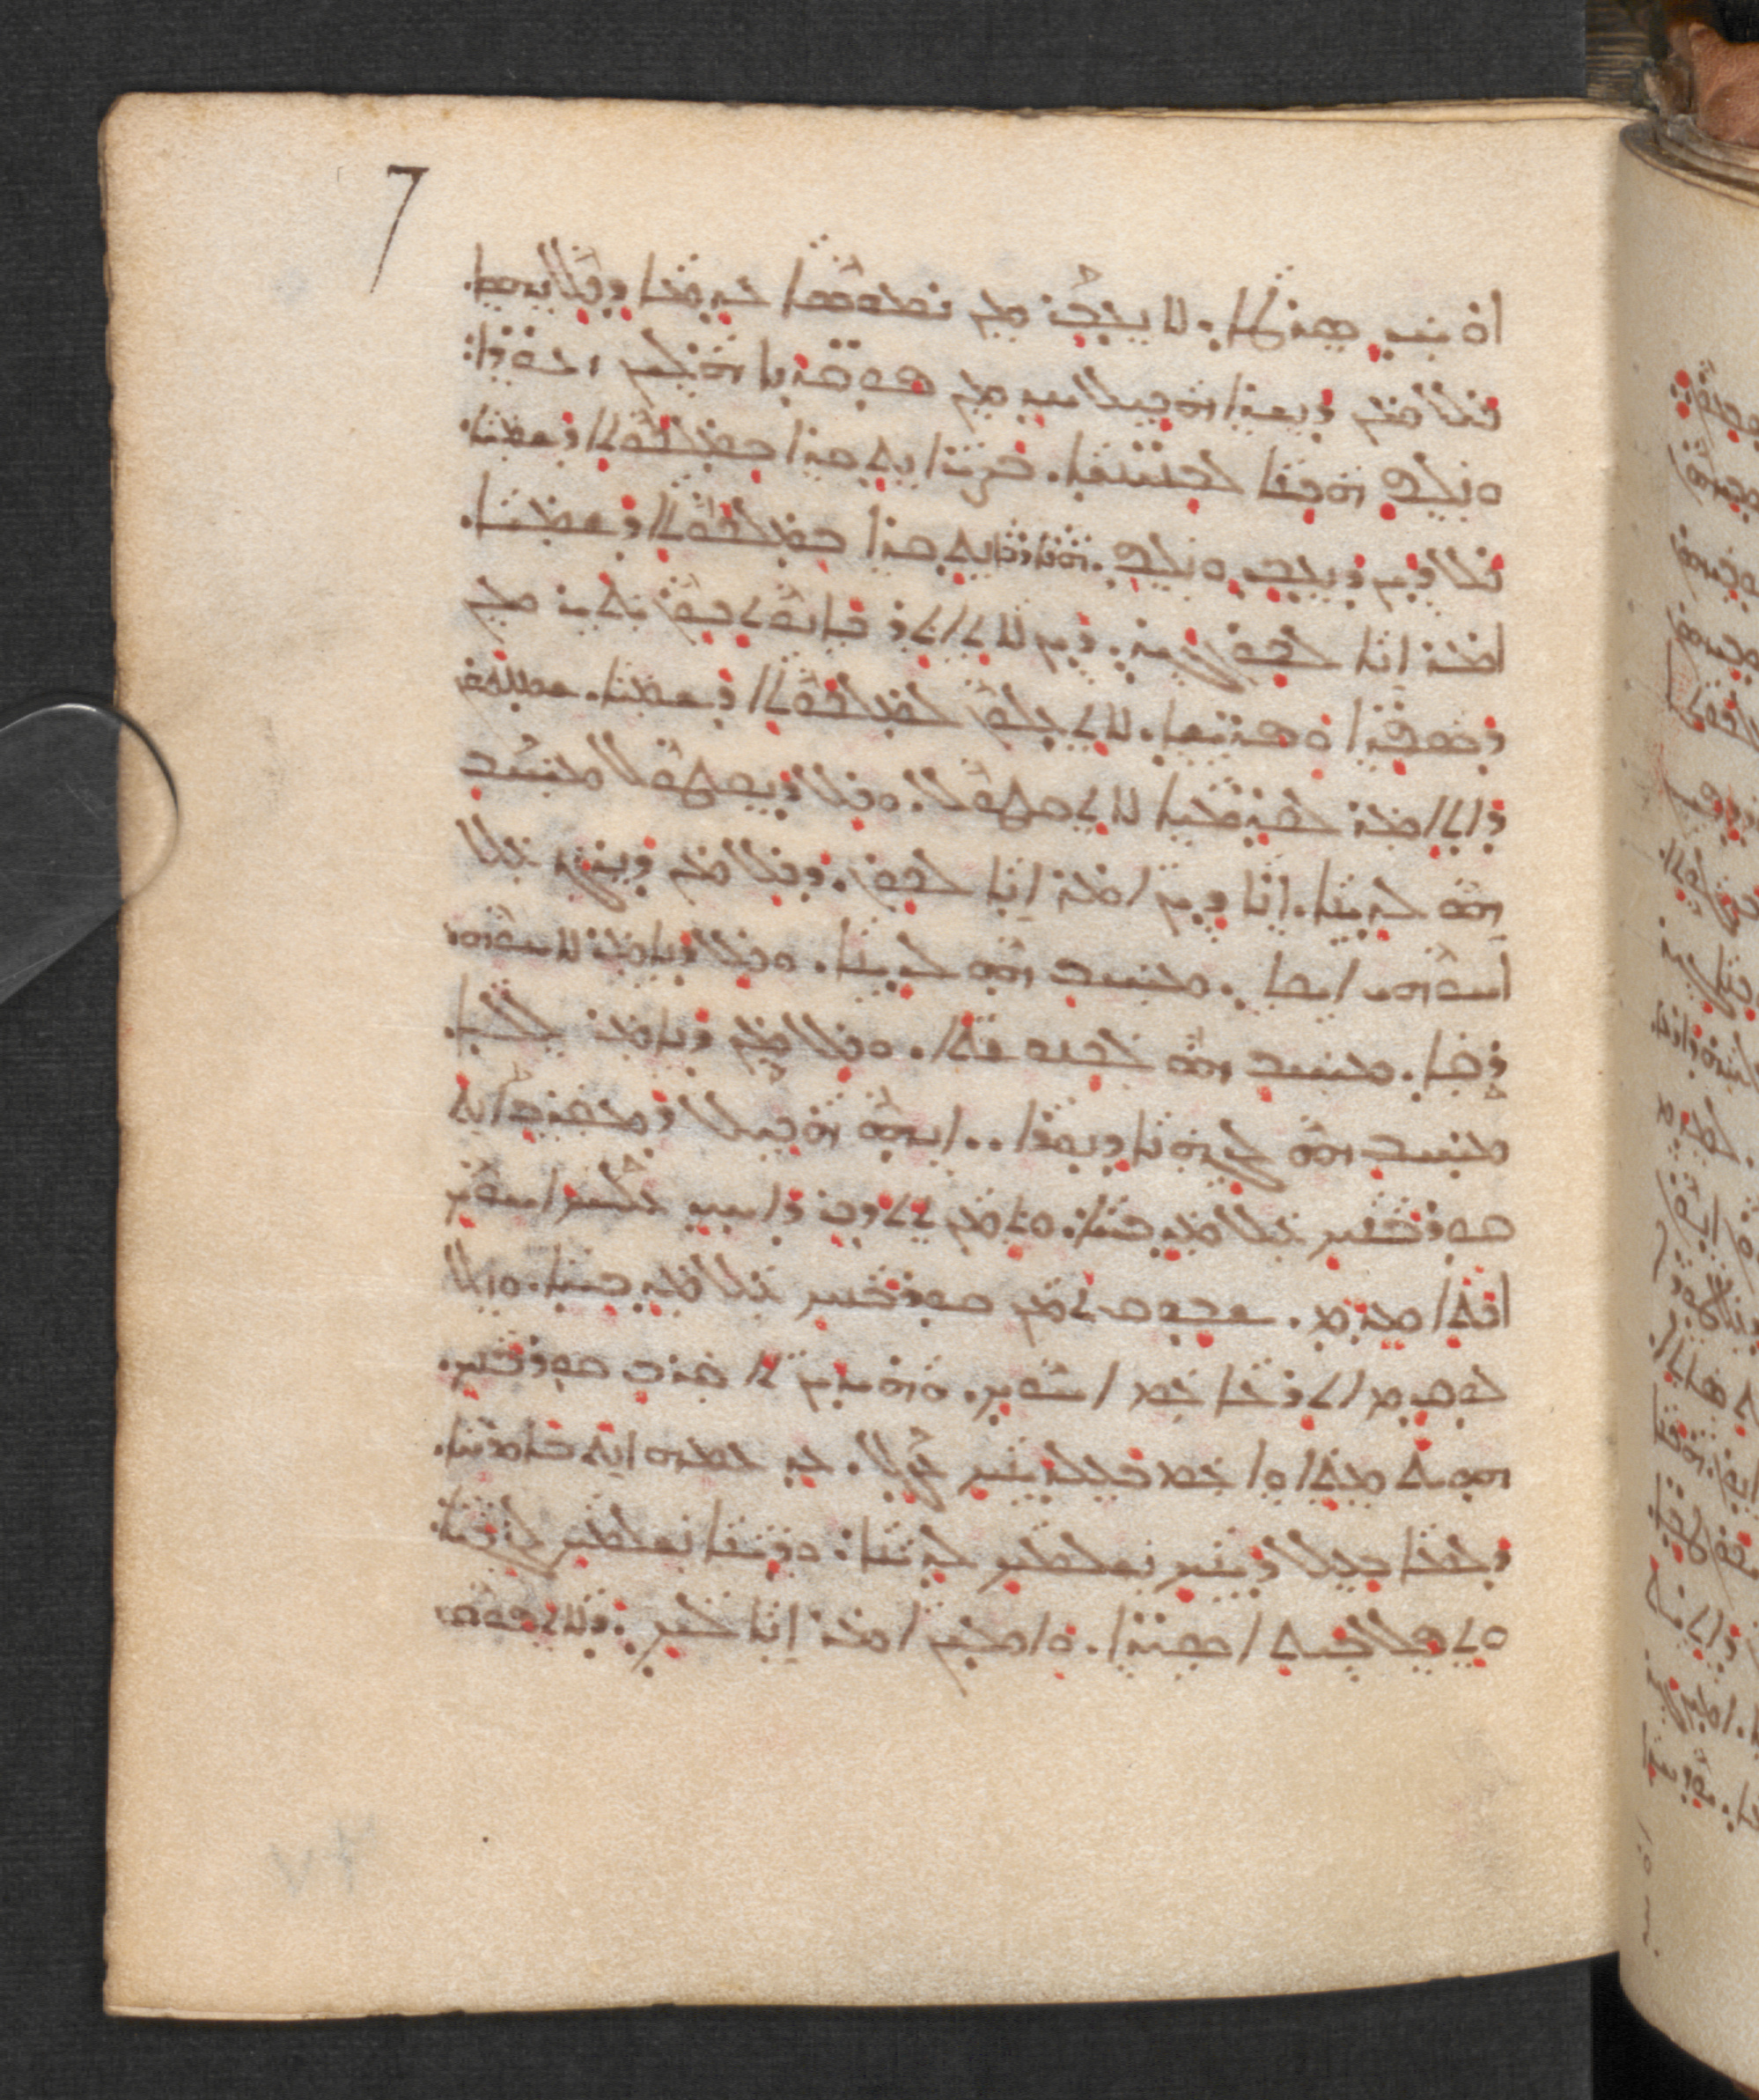ܐܘ ܚܕ ܣܪܛܐ܆ ܠܐ ܢܥܒ̣ܪ ܡ̣ܢ ܢܡܘܣܐ ܥܕܡܐ ܕܟܠ ܢܗܘܐ.
ܟܠ ܡܢ ܗܟܝܠ ܕܢܫܪܐ ܚܕ ܡ̣ܢ ܦܘܩ̈ܕܢܐ ܗܠܝܢ ܙܥܘܪ̈ܐ:
ܘܢܠܦ ܗܟܢܐ ܠܒܢܝ̈ܢܫܐ ܒܨܝܪܐ ܢܬܩܪܐ ܒܡܠܟܘܬܐ ܕܫܡܝܐ
ܟܠ ܕܝܢ ܕܢܥ̣ܒܕ ܘܢܠܦ ܗܢܐ ܪܒܐ ܢܬܩܪܐ ܒܡܠܟܘܬܐ ܕܫܡܝܐ.
ܐܡ̇ܪ ܐܢܐ ܠܟܘܢ ܓܝܪ: ܕܐܠܐ ܬܐܬܪ ܟܐܢܘܬܟܘܢ ܝܬܝܪ ܡܢ
ܕܣܦܪ̈ܐ ܘܦܪ̈ܝܫܐ. ܠܐ ܬܥܠܘܢ ܠܡܠܟܘܬܐ ܕܫܡܝܐ. ܫܡܥܬܘܢ
ܕܐܬ̣ܐܡܪ ܠܩܕܡ̈ܝܐ ܠܐ ܬܩܛܘܠ. ܘܟܠ ܕܢܩܛܘܠ ܡܚܝܒ
ܗܘ ܠܕܝܢܐ ܐܢܐ ܕܝܢ ܐܡ̇ܪ ܐܢܐ ܠܟܘܢ. ܕܟܠ ܡ̇ܢ ܕܢܪܓܙ ܥܠ
ܐܚܘܗܝ ܐܝܩܐ܆ ܡܚܝܒ ܗ̣ܘ ܠܕܝܢܐ. ܘܟܠ ܕܢܐܡܪ ܠܐܚܘܗܝ
ܪܩܐ. ܡܚܝܒ ܗܘ ܠܟܢܘܫܬܐ ܘܡ̇ܢ ܕܢܐܡܪ ܠܠܐ
ܡܚܝܒ ܗܘ ܠܓܗܢܐ ܕܢܘܪܐ.. ܐܢܗܘ ܗܟܝܠ ܕܡܩܪܒ ܐܢܬ
ܩܘܪܒܢܟ ܥܠ ܡܕܒܚܐ܇ ܘܬܡܢ ܬܬܕܟܪ ܕܐܚܝܕ ܥܠܝܟ ܐܚܘܟ
ܐܟܬܐ ܡܕܡ. ܫܒܘܩ ܬܡܢ ܩܘܪܒܢܟ ܥܠ ܡܕܒܚܐ. ܘܙܠ
ܠܘܩܕܡ ܐܬܪܥܐ ܥܡ ܐܚܘܟ܆ ܘܗܝܕܝܢ ܬܐ ܩܪܒ ܩܘܪܒܢܟ.
ܗܘܝܬ ܡܬܐܘܐ ܥܡ ܒܥܠܕܝܢܟ ܥܓܠ. ܥܕ ܥܡܗ ܐܢܬ ܒܐܘܪܚܐ.
ܕܠܡܐ ܒܥܠ ܕܝܢܟ ܢܫܠܡܟ ܠܕܝܢܐ: ܘܕܝܢܐ ܢܫܠܡܟ ܠܓܒܝܐ:
ܘܬܦܠ ܒܝܬ ܐܣܝܪ̈ܐ. ܘܐܡܝܢ ܐܡ̇ܪ ܐܢܐ ܠܟ܆ ܕܠܐ ܬܦܘܩ
7